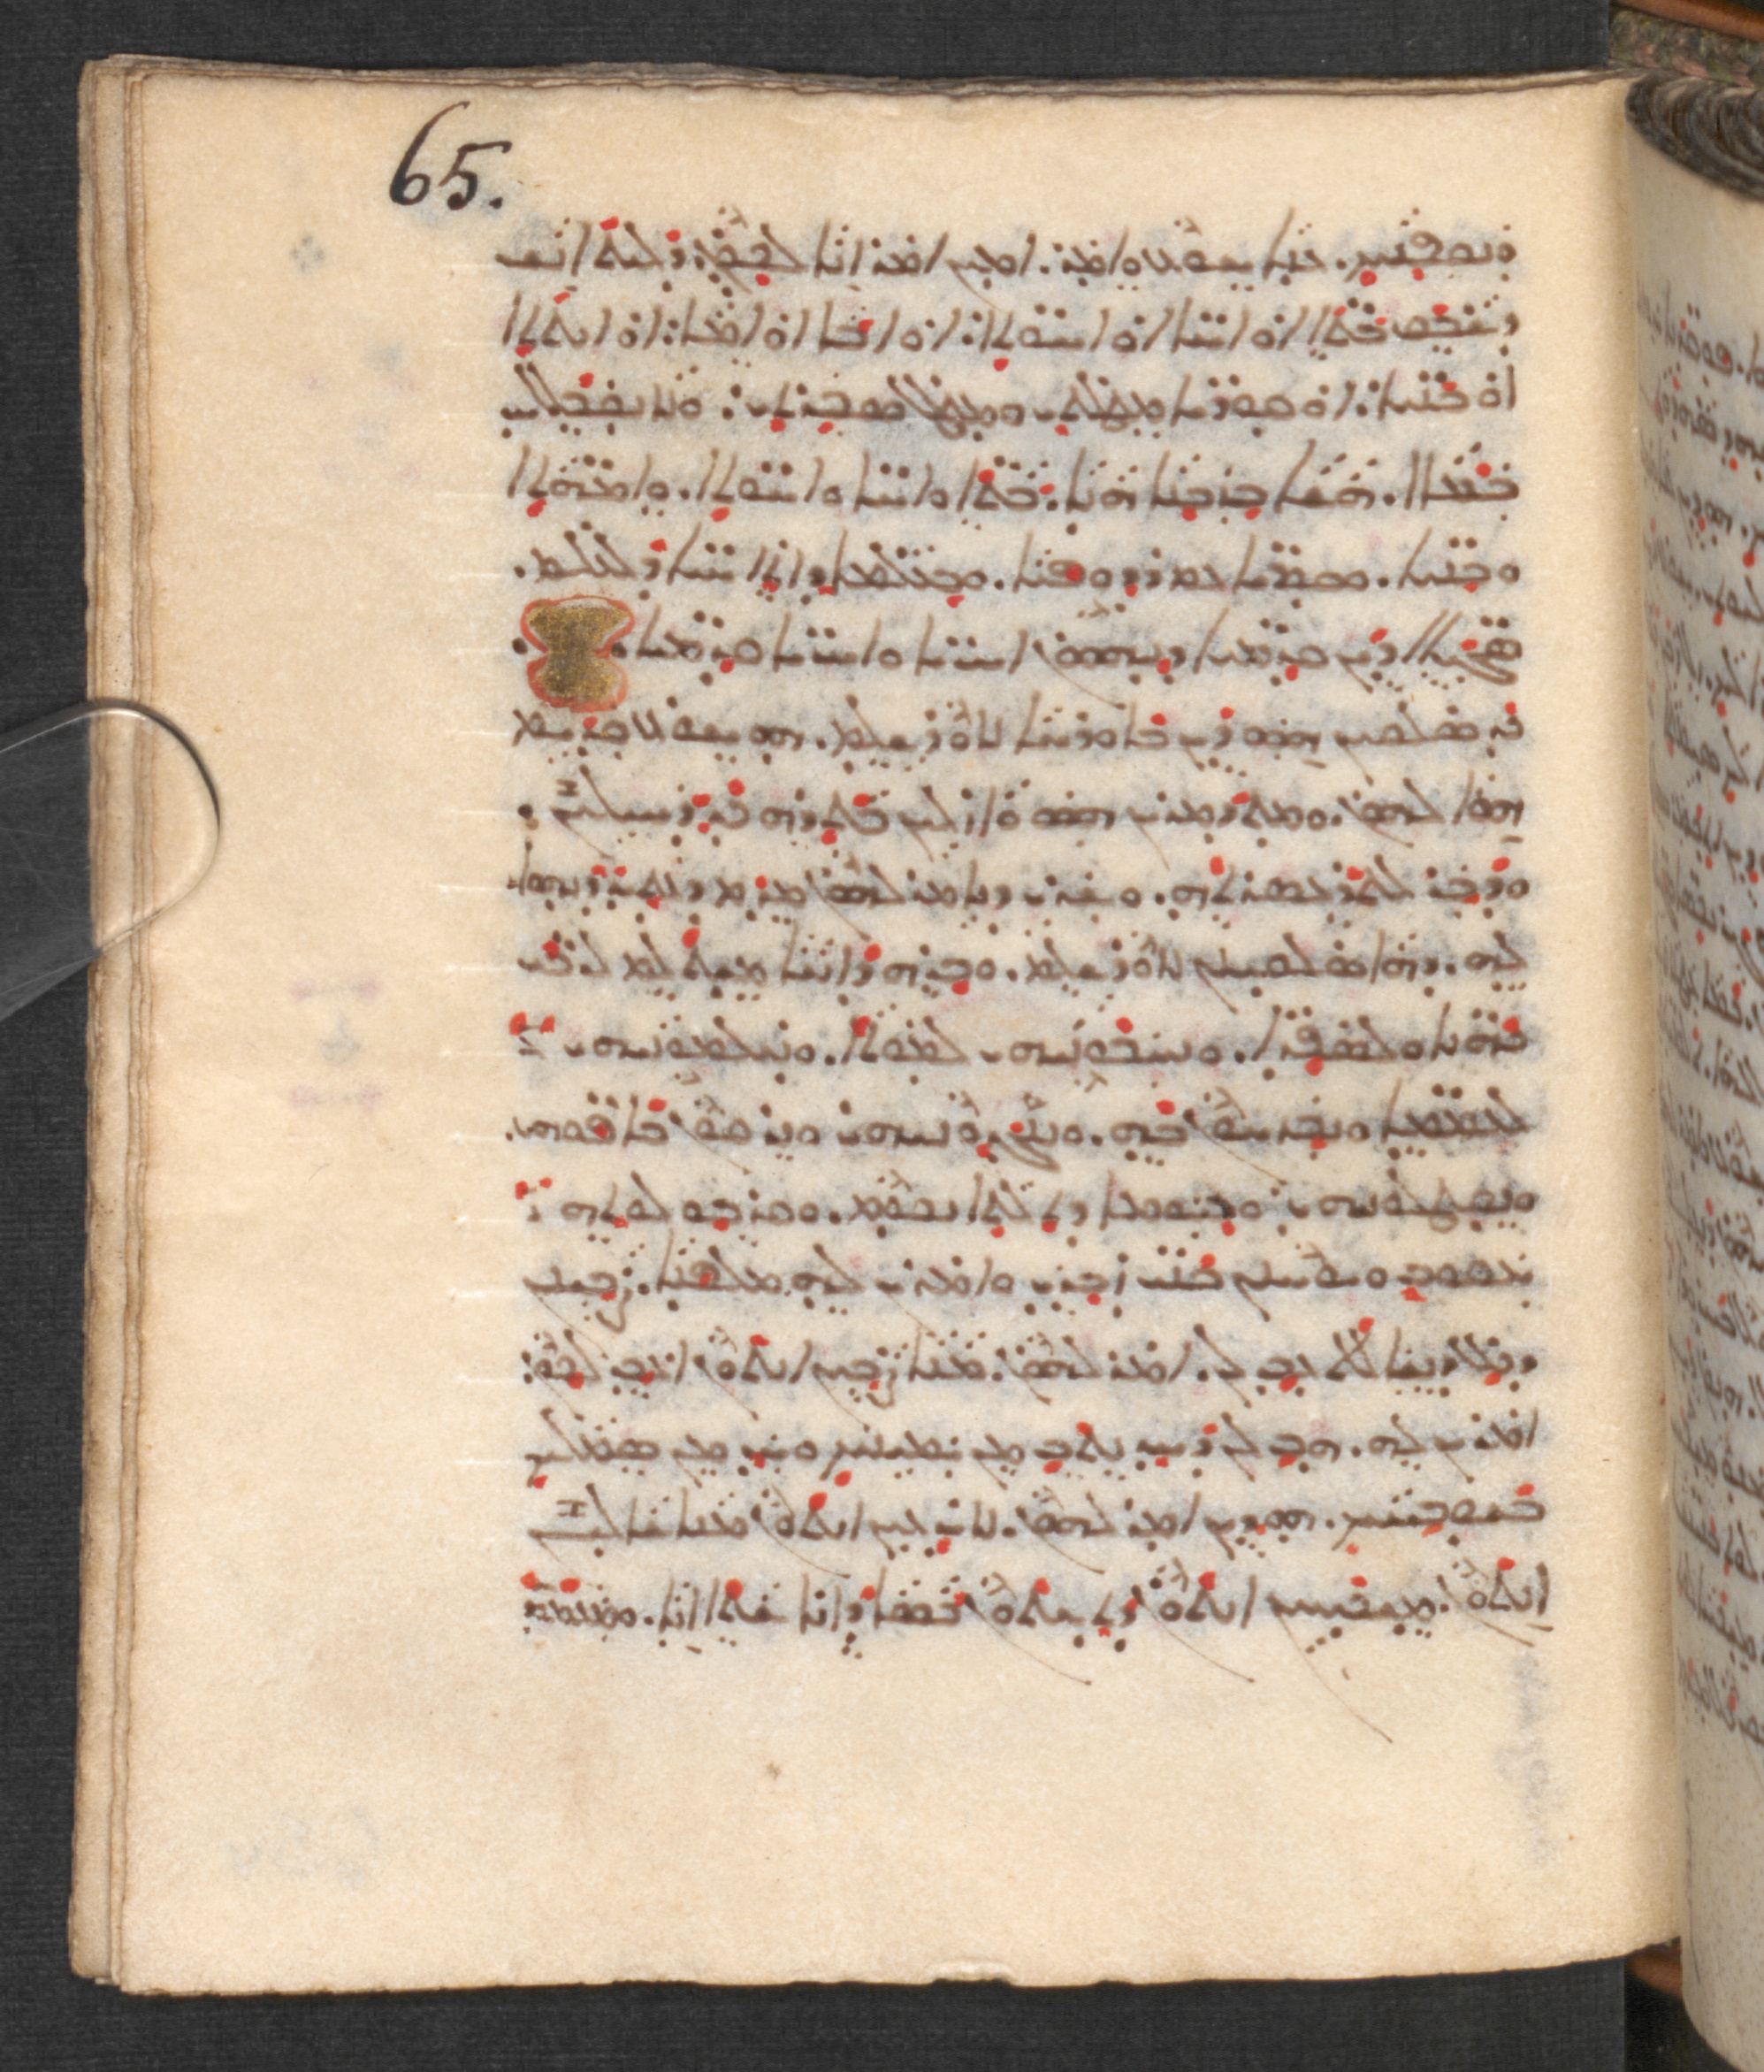ܘܢܩܦܢܟ. ܥܢ̣ܐ ܝܫܘܥ ܘܐܡ̣ܪ. ܐܡܝܢ ܐܡ̇ܪ ܐܢܐ ܠܟܘܢ܆ ܕܠܝܬ ܐܢܫ
ܕܫܒܩ ܒ̈ܬܐ ܐܘ ܐܚ̈ܐ ܐܘ ܐܚ̈ܘܬܐ: ܐܘ ܐܒܐ ܐܘ ܐܡܐ: ܐܘ ܐܢܬܬܐ
ܐܘ ܒܢ̈ܝܐ: ܐܘ ܩܘܪ̈ܝܐ ܡܛܠܬܝ ܘܡܛܠ ܣܒܪܬܝ: ܘܠܐ ܢܩܒܠ ܚܕ
ܒܡܐܐ. ܗܫܐ ܒܙܒܢܐ ܗܢܐ܆ ܒܬ̈ܐ ܘܐܚ̈ܐ ܘܐܚ̈ܘܬܐ. ܘܐܡ̈ܗܬܐ
ܘܒ̈ܢܝܐ. ܘܩܘܪ̈ܝܐ ܥܡ ܪܕܘܦܝܐ. ܘܒܥܠܡܐ ܕܐܬ̇ܐ ܚ̈ܝܐ ܕܠܥܠܡ.
ܣ̈ܓܝܐܐ ܕܝܢ ܩܕܡ̈ܝܐ ܕܢܗܘܘܢ ܐܚܪ̈ܝܐ ܘܐܚܪ̈ܝܐ ܩܕ̈ܡܝܐ ܀
ܟܕ ܣ̇ܠܩܝܢ ܗܘܘ ܕܝܢ ܒܐܘܪܚܐ ܠܐܘܪܫܠܡ܆ ܗ̣ܘ ܝܫܘܥ ܩܕܝܡ
ܗܘܐ ܠܗܘܢ. ܘܡܬܕܡܪܝܢ ܗܘܘ ܘܐܙ̇ܠܝܢ ܒܬܪܗ ܟܕ ܕܚܝܠܝܢ܉
ܘܕܒܪ ܠܬܪܥܣܪܬܗ܆ ܘܫܪܝ ܕܢ̣ܐܡܪ ܠܗܘܢ ܡܕܡ ܕܥܬܝܕ ܕܢܗܘܐ.
ܠܗ. ܕܗܐ ܣܠܩܝܢܢ ܠܐܘܪܫܠܡ. ܘܒܪܗ ܕܐܢܫܐ ܡܫܬܠܡ ܠܪ̈ܒܝ
ܟܗ̈ܢܐ ܘܠܣܦܪ̈ܐ܆ ܘܢܚܝܒܘܢܝܗܝ ܠܡܘܬܐ. ܘܢܫܠܡܘܢܝܗܝ ܏ܠ
ܠܥܡ̈ܡܐ ܘܢܒܙܚܘܢ ܒܗ܆ ܘܢܢܓܕܘܢܝܗܝ ܘܢܪܩܘܢ ܒܐܦ̈ܘܗܝ.
ܘܢܩܛܠܘܢܝܗܝ: ܘܒܝܘܡܐ ܕܬܠܬܐ ܢܩܘܡ. ܘܩܪܒܘ ܠܘܬܗ ܏ܝ
ܝܥܩܘܒ ܘܝܘܚܢܢ ܒܢ̈ܝ ܙܒܕܝ ܘܐܡ̇ܪܝܢ ܠܗ ܡܠܦܢܐ܆ ܨ̇ܒܝܢܢ
ܕܟܠ ܕܢܫܐܠ ܬܥܒܕ ܠܢ. ܐܡ̇ܪ ܠܗܘܢ܇ ܡܢܐ ܨ̇ܒܝܢ ܐܢܬܘܢ ܐܥ̇ܒܕ ܠܟܘܢ.
ܐܡ̇ܪܝܢ ܠܗ. ܗܒ ܠܢ ܕܚܕ ܢܬܒ ܡܢ ܝܡܝܢܟ ܘܚܕ ܡܢ ܣܡܠܟ
ܒܫܘܒܚܟ. ܗ̣ܘ ܕܝܢ ܐܡ̣ܪ ܠܗܘܢ. ܠܐ ܝ̇ܕܥܝܢ ܐܢܬܘܢ ܡܢܐ ܫܐܠܝܢ
ܐܢܬܘܢ. ܡܫܟܚܝܢ ܐܝܬܘܢ ܕܬܫܬܘܢ ܟܣܐ ܕܐܢܐ ܫܬܐ ܐܢܐ. ܘܡܥܡ܏ܘܕ
65